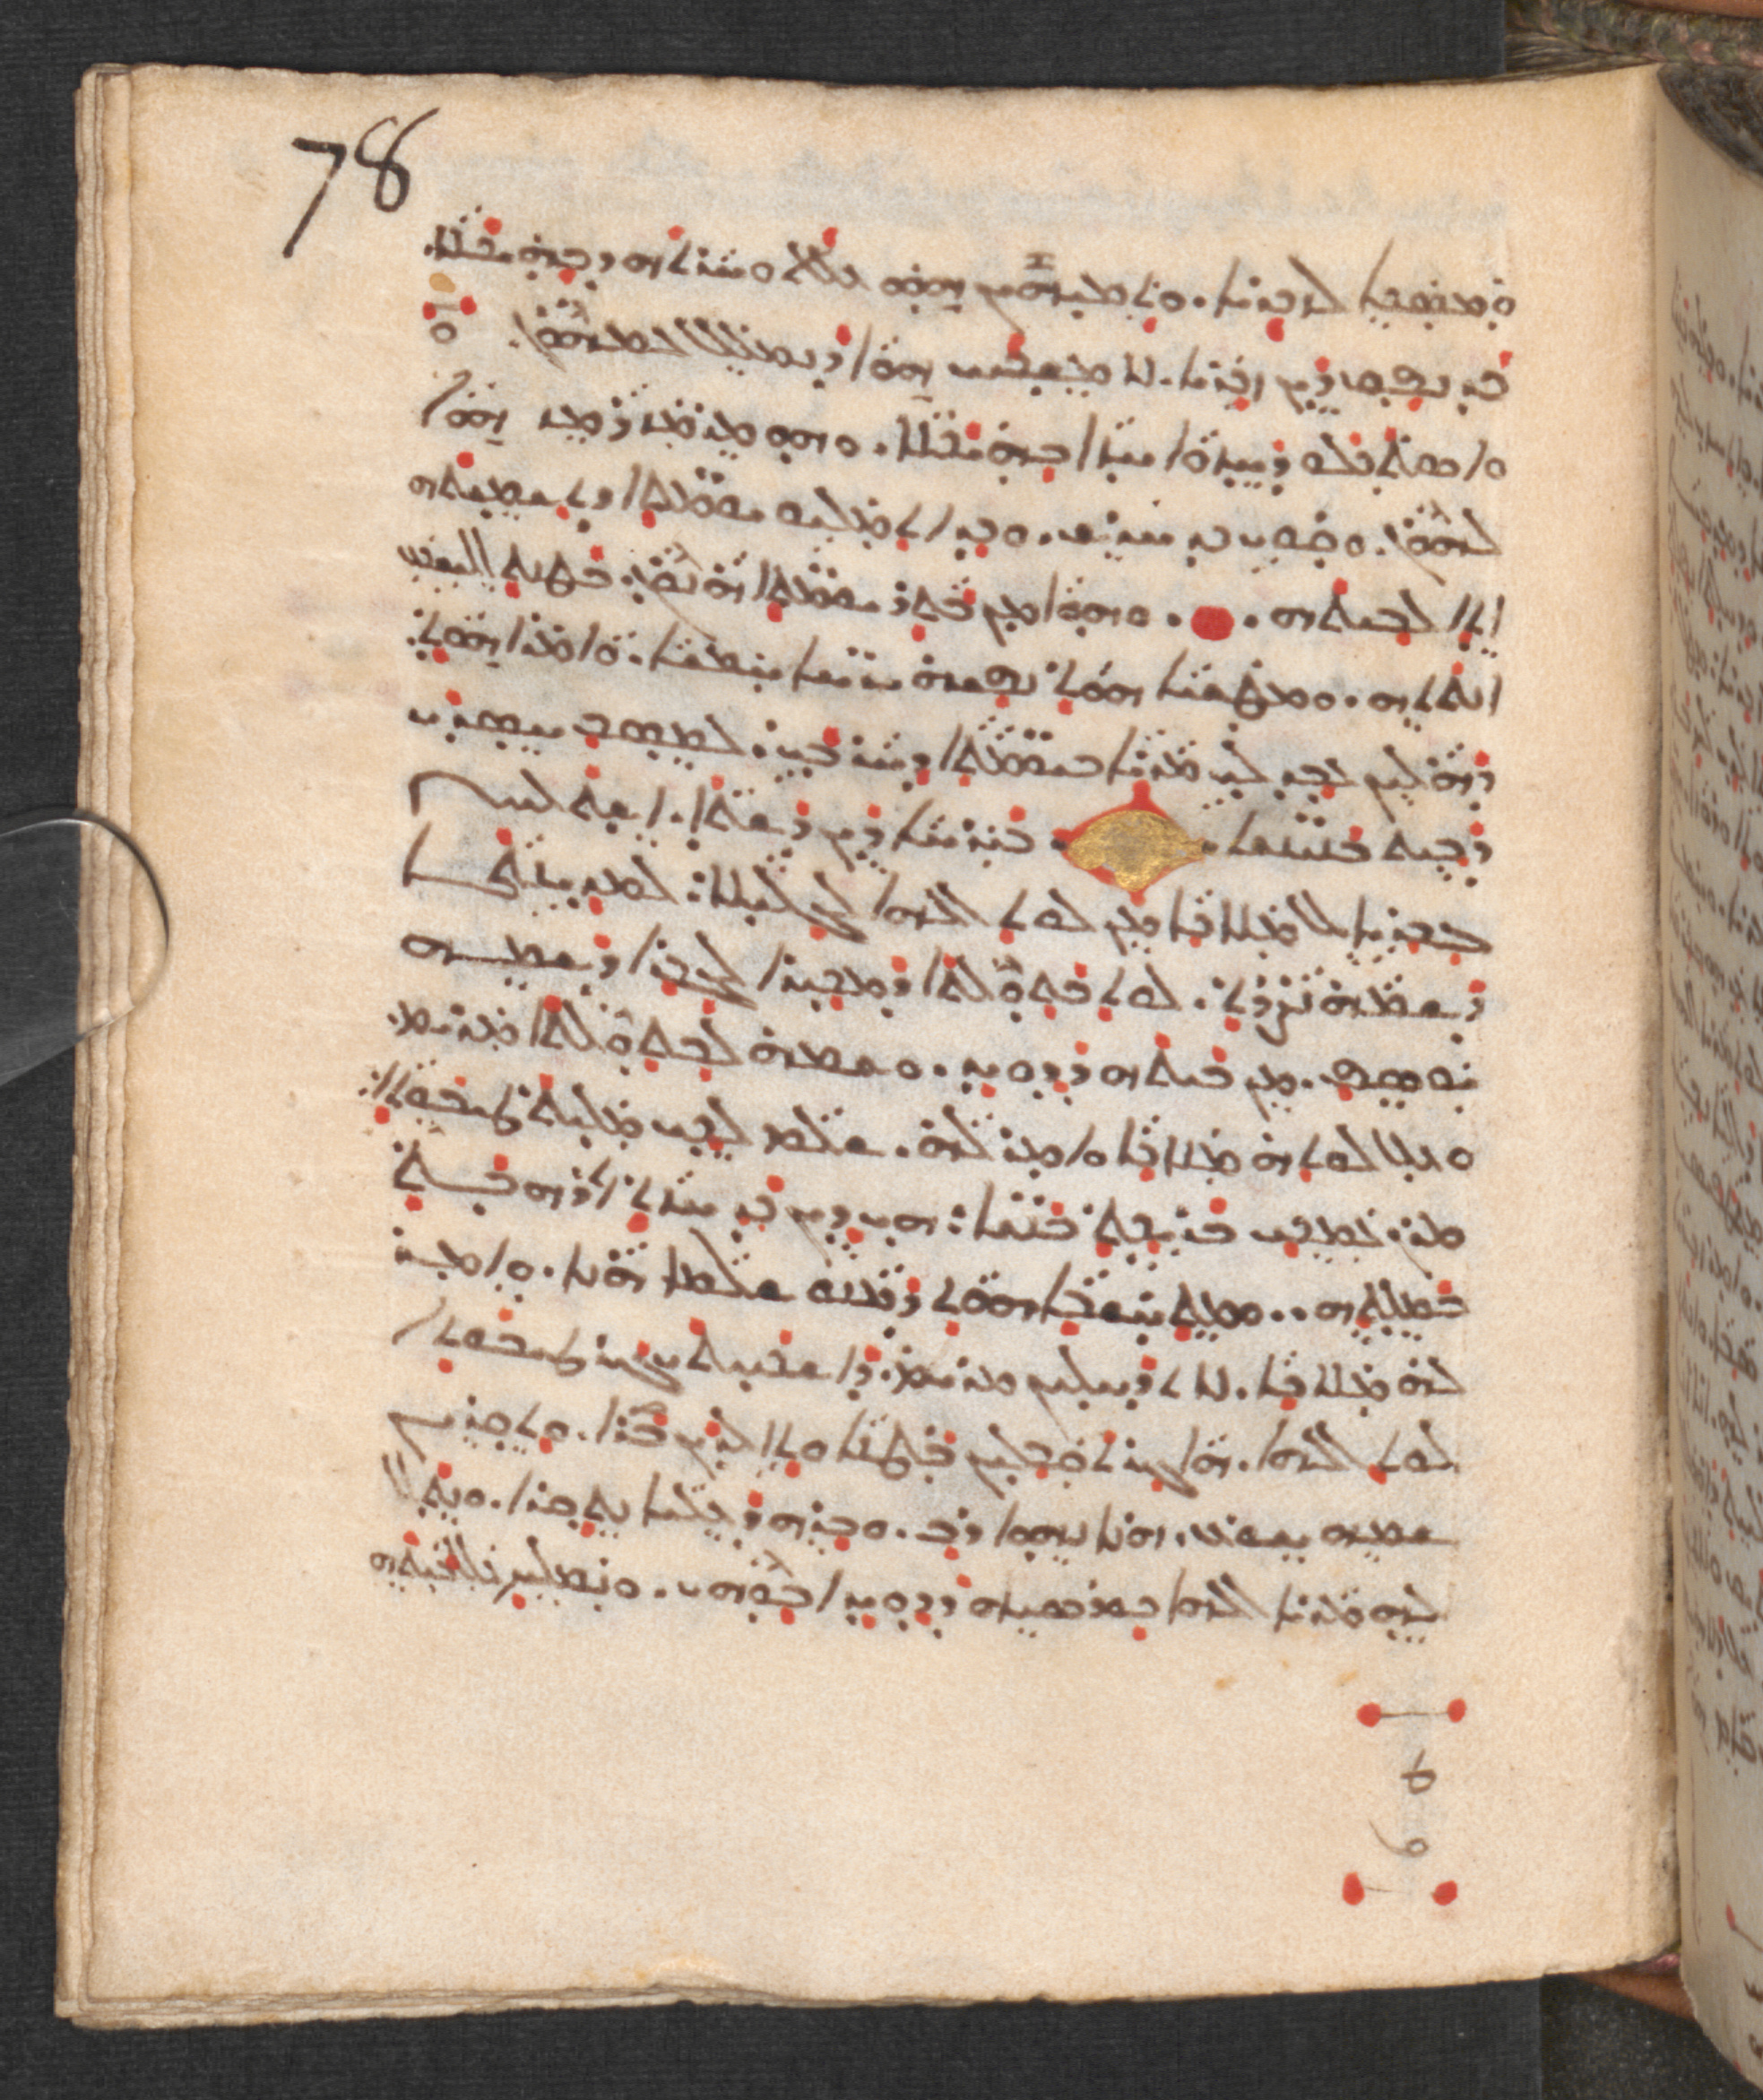ܘܡܣܟܐ ܠܙܟܪܝܐ. ܘܬܡܝܗܝܢ ܗܘܘ ܥܠ ܬܘܚܪܬܗ ܕܒܗܝܟܠܐ.
ܟܕ ܢܦ̣ܩ ܕܝܢ ܙܟܪܝܐ. ܠܐ ܡܫܟܚ ܗܘܐ ܕܢܡܠܠ ܥܡܗܘܢ. ܏ܘ
ܘܐܣܬܟܠܘ ܕܚܙܘܐ ܚܙܐ ܒܗܝܟܠܐ. ܘܗ̣ܘ ܡܪܡܙ ܪܡܙ ܗܘܐ
ܠܗܘܢ. ܘܩܘܝ ܟܕ ܚܪܫ. ܘܟܕ ܐܬܡܠܝܘ ܝܘܡ̈ܬܐ ܕܬܫܡܫܬܗ
ܐܬܐ ܠܒܝܬܗ ܀ ܘܗܘ̣ܐ ܡ̣ܢ ܒܬܪ ܝܘܡ̈ܬܐ ܗܢܘܢ܆ ܒܛܢܬ ܐܠܝܫܒܥ
ܐܢܬܬܗ. ܘܡܛܫܝܐ ܗܘܬ ܢܦܫܗ̇ ܝܪ̈ܚܐ ܚܡܫܐ. ܘܐܡܪܐ ܗܘܬ܆
ܕܗܠܝܢ ܥܒ̣ܕ ܠܝ ܡܪܝܐ ܒܝܘ̈ܡܬܐ ܕܚܪ ܒܝ܇ ܠܡܣܒ ܚܣܕܝ
ܕܒܝܬ ܒܢܝ̈ܢܫܐ ܀ ܒܝܪܚܐ ܕܝܢ ܕܫܬܐ܆ ܐܫܬܠܚ
ܓܒܪܝܐܠ ܡܠܐܟܐ ܡ̣ܢ ܠܘܬ ܐܠܗܐ ܠܓܠܝܠܐ܇ ܠܡܕܝܢܬܐ
ܕܫܡܗ̇ ܢܨܪܬ܇ ܠܘܬ ܒܬܘܠܬܐ ܕܡܟܝܪܐ ܠܓܒܪܐ ܕܫܡܗ
ܝܘܣܦ. ܡ̣ܢ ܒܝܬܗ ܕܕܘܝܕ. ܘܫܡܗ̇ ܠܒܬܘܠܬܐ ܡܪܝܡ.
ܘܥܠ ܠܘܬܗ̇ ܡܠܐܟܐ ܘܐܡ̣ܪ ܠܗ̇. ܫܠܡ ܠܟܝ ܡܠܝܬ ܛܝܒܘܬܐ܇
ܡܪܢ ܥܡܟܝ ܒܪܝܟܬ ܒܢ̈ܫܐ: ܗܝ ܕܝܢ ܟܕ ܚܙܬ ܐܬܪܗܒܬ
ܒܡܠܬܗ.. ܘܡܬܚܫܒܐ ܗܘܬ ܕܡܢܘ ܫܠܡܐ ܗܢܐ. ܘܐܡ̣ܪ
ܠܗ̇ ܡܠܐܟܐ. ܠܐ ܬܕܚܠܝܢ ܡܪܝܡ: ܕܐܫܟܚܬܝ ܓܝܪ ܛܝܒܘܬܐ
ܠܘܬ ܐܠܗܐ. ܗܐ ܓܝܪ ܬܩܒܠܝܢ ܒܛܢܐ ܘܬܐܠܕܝܢ ܒܪܐ. ܘܬܩܪܝܢ
ܫܡܗ ܝܫܘܥ. ܗܢܐ ܢܗܘܐ ܪܒ. ܘܒܪܗ ܕܥܠܝܐ ܢܬܩܪܐ. ܘܢܬܠ
ܠܗ ܡܪܝܐ ܐܠܗܐ ܟܘܪܣܝܗ ܕܕܘܝܕ ܐܒܘܗܝ. ܘܢܡܠܟ ܥܠ ܒܝܬܗ
78
ܛ܏